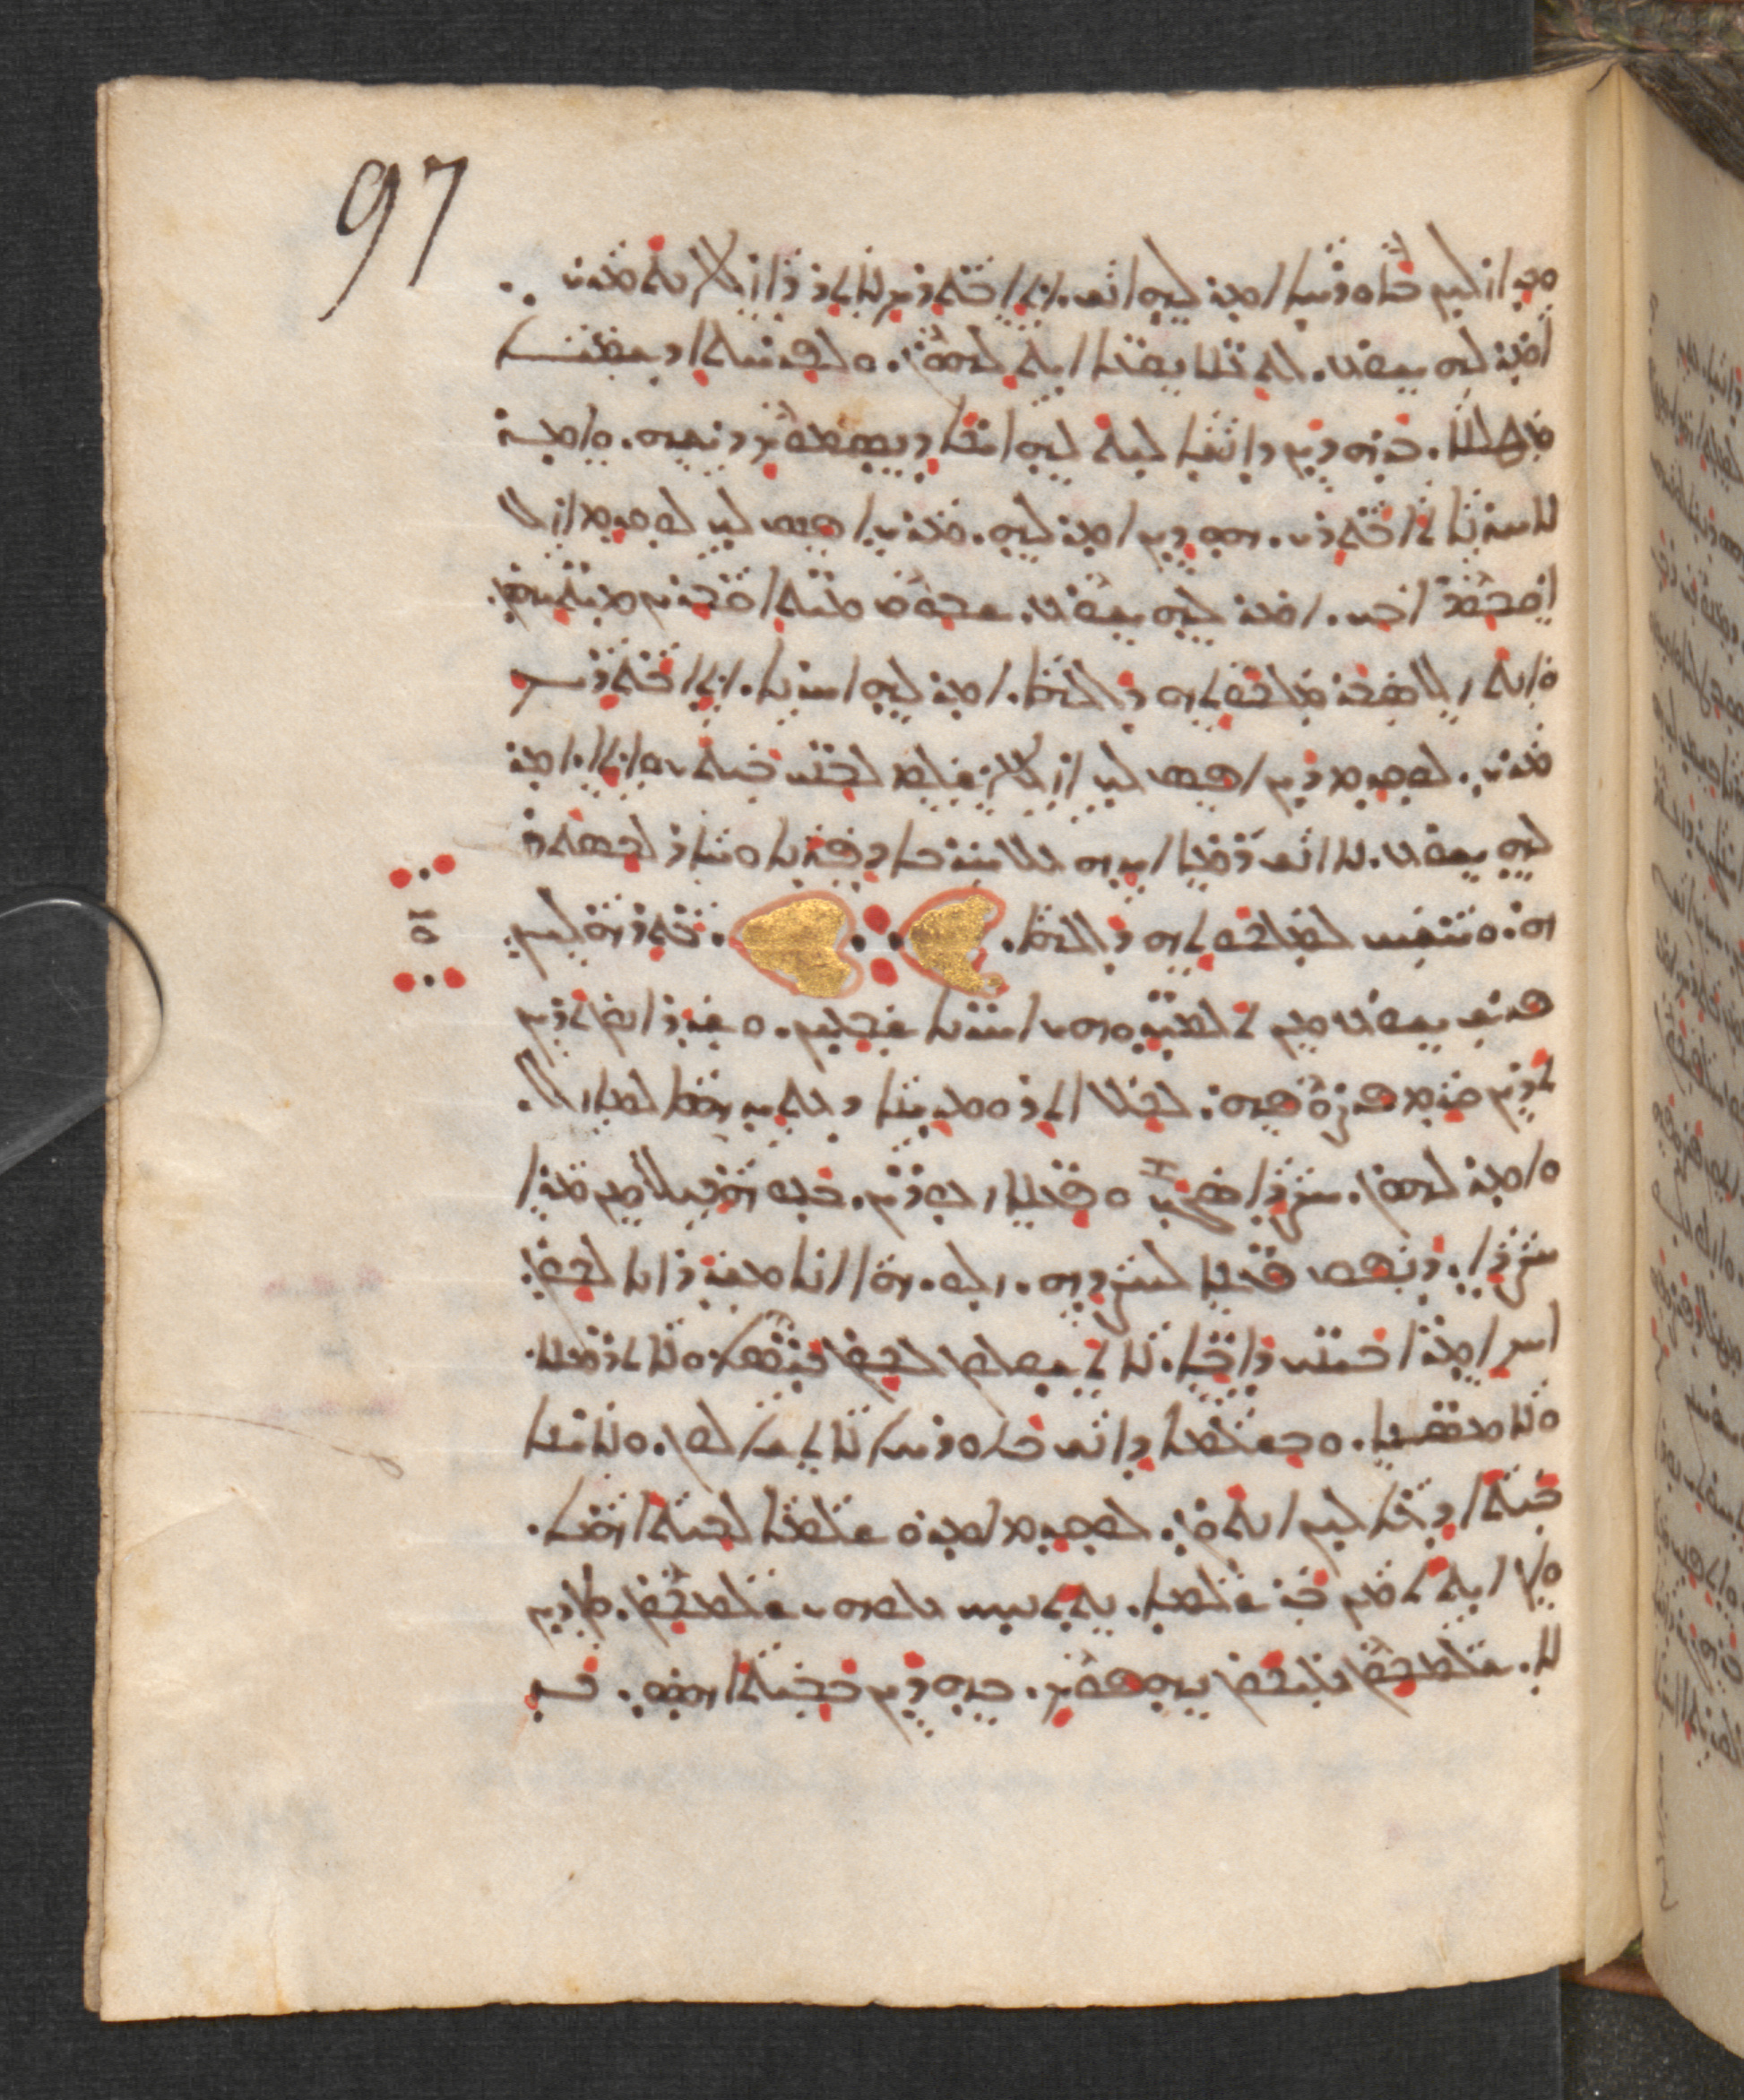ܘܟܕ ܐܙ̇ܠܝܢ ܒܐܘܪܚܐ ܐܡ̣ܪ ܠܗ ܐܢܫ. ܐܬ̇ܐ ܒܬܪܟ ܠܐܬܪ ܕܐܙ̇ܠ ܐܢܬ ܡܪܝ
ܐܡ̣ܪ ܠܗ ܝܫܘܥ. ܠܬܥ̈ܠܐ ܢܩ̈ܥܐ ܐܝܬ ܠܗܘܢ. ܘܠܦܪܚܬܐ ܕܫܡܝܐ
ܡܛܠܠܐ. ܒܪܗ ܕܝܢ ܕܐܢܫܐ ܠܝܬ ܠܗ ܐܝܟܐ ܕܢܣܡܘܟ ܪܝܫܗ. ܘܐܡ̣ܪ
ܠܐܚܪܢܐ ܬܐ ܒܬܪܝ. ܗ̣ܘ ܕܝܢ ܐܡ̣ܪ ܠܗ. ܡܪܝ܆ ܐܦܣ ܠܝ ܠܘܩܕܡ ܐܙ̇ܠ
ܐܩ̇ܒܘܪ ܐܒܝ. ܐܡܪ ܠܗ ܝܫܘܒ. ܫܒܘܩ ܡܝ̈ܬܐ ܩ̇ܒܪܝܢ ܡܝ̈ܬܝܗܘܢ܆
ܘܐܢܬ ܙܠ ܣܒܪ ܡܠܟܘܬܗ ܕܐܠܗܐ. ܐܡ̣ܪ ܠܗ ܐܚܪܢܐ. ܐܬ̇ܐ ܒܬܪܝܟ
ܡܪܝ܆ ܠܘܩܕܡ ܕܝܢ ܐܦܣ ܠܝ ܐܙ̇ܠ ܐܫܠܡ ܠܒ̈ܢܝ ܒܝܬܝ ܘܐܬ̇ܐ. ܐܡ̣ܪ
ܠܗ ܝܫܘܥ. ܠܐ ܐܢܫ ܪܡ̇ܐ ܐܝܕܗ ܥܠ ܚܪܒܐ ܕܦܕܢܐ ܘܚ̇ܐܪ ܠܒܣܬܪ
ܗ܇ ܘܚ̇ܫܚ ܠܡܠܟܘܬܗ ܕܐܠܗܐ.܀. ܒܬܪ ܗܠܝܢ܆
ܦܪܫ̣ ܝܫܘܥ ܡ̣ܢ ܬܠܡܝ̈ܕܘܗܝ ܐܚܪ̈ܢܐ ܫܒܥܝܢ. ܘܫ̣ܕܪ ܐܢܘܢ ܬܪܝܢ
ܬܪܝܢ ܩܕܡ ܦܪܨܘܦܗ܇ ܠܟܠ ܐܬܪ ܘܡܕܝܢܐ ܕܥܬܝܕ ܗܘܐ ܠܡܐܙܠ.
ܘܐܡ̣ܪ ܠܗܘܢ. ܚܨܕܐ ܣܓܝ ܘܦܥ̈ܠܐ ܙܥܘܪ̈ܝܢ. ܒܥܘ ܗܟܝܠ ܡ̣ܢ ܡܪܐ
ܚܨܕܐ܆ ܕܢܦܩ ܦܥ̈ܠܐ ܠܚܨܕܗ. ܙܠܘ. ܗܐ ܐܢܐ ܡܫ̇ܕܪ ܐܢܐ ܠܟܘܢ܆
ܐܝܟ ܐܡܪ̈ܐ ܒܝܢܝ ܕܐܒ̈ܐ. ܠܐ ܬܫܩܠܘܢ ܠܟܘܢ ܟܝ̈ܣܐ. ܘܠܐ ܬܪ̈ܡܠܐ.
ܘܠܐ ܡܣ̈ܢܐ. ܘܒܫܠܡܐ ܕܐܢܫ ܒܐܘܪܚܐ ܠܐ ܬܫܐܠܘܢ. ܘܠܐܝܢܐ
ܒܝܬܐ ܕܥ̇ܐܠܝܢ ܐܢܬܘܢ܆ ܠܘܩܕܡ ܐܡܪܘ ܫܠܡܐ ܠܒܝܬܐ ܗܢܐ.
ܘܐܢ ܐܝܬ ܬܡܢ ܒܪ ܫܠܡܐ. ܢܬܬܢܝܚ ܟܠܘܗܝ ܫܠܡܟܘܢ. ܘܐܢ ܕܝܢ
ܠܐ܆ ܫܠܡܟܘܢ ܥܠܝܟܘܢ ܢܗܦܘܟ. ܒܗ ܕܝܢ ܒܒܝܬܐ ܗܘܘ܆ ܟܕ
97
܏10